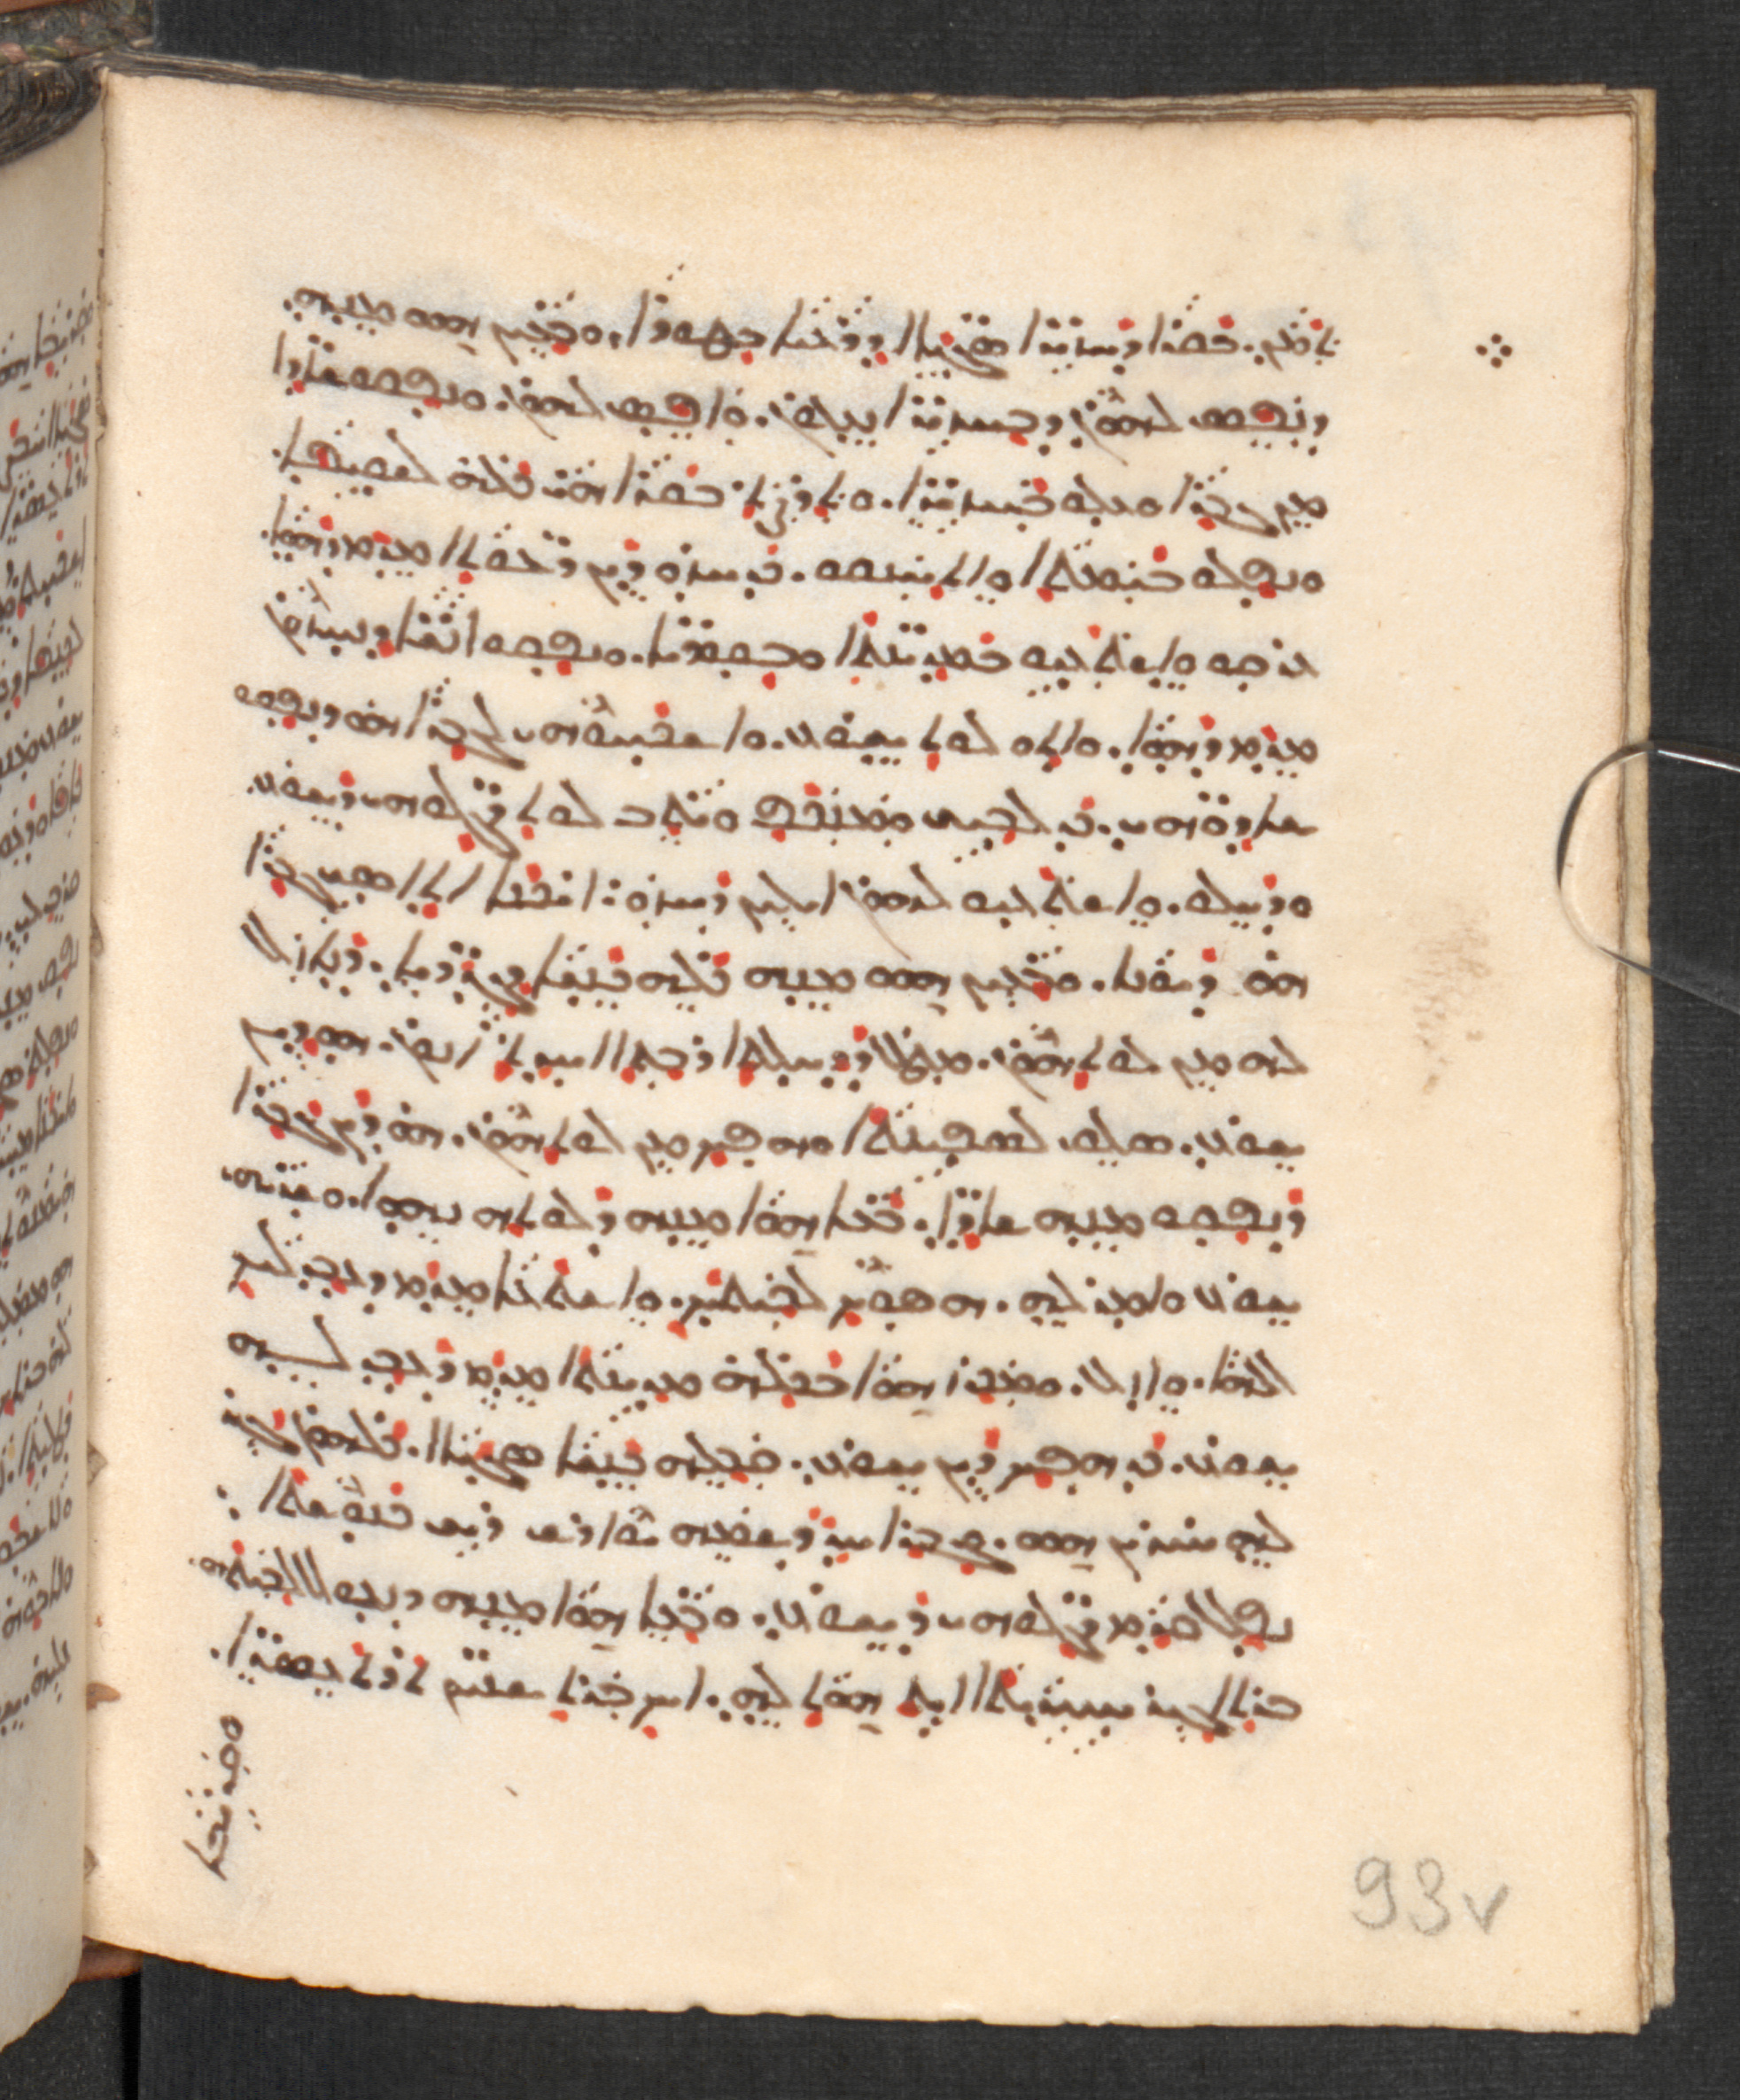ܬܡܢ܆ ܒܩܪܐ ܕܚܙܝܪ̈ܐ ܣܓ̈ܝܐܐ ܕܪܥܝܐ ܒܛܘܪܐ. ܘܒ̇ܥܝܢ ܗܘܘ ܡܢܗ܆
ܕܢܦܣ ܠܗܘܢ ܕܒܚܙܝܪ̈ܐ ܢܥܠܘܢ. ܘܐܦܣ̣ ܠܗܘܢ. ܘܢܦ̣ܩܘ ܫ̈ܐܕܐ
ܡ̣ܢ ܓܒܪܐ ܘܥܠ̣ܘ ܒܚܙܝܪ̈ܐ. ܘܬܪܨܬ ܒܩܪܐ ܗ̇ܝ ܟܠܗ̇ ܠܫܩܝܦܐ.
ܘܢܦܠ̣ܘ ܒܝܡܬܐ ܘܐܬܚܢܩܘ. ܟܕ ܚܙ̣ܘ ܕܝܢ ܪ̈ܥܘܬܐ ܡܕܡ ܕܗܘܐ
ܥܪܩ̣ܘ ܘܐܫܬܥ̣ܝܘ ܒܡܕܝܢ̈ܬܐ ܘܒܩܘܪ̈ܝܐ. ܘܢܦܩ̣ܘ ܐܢܫ̈ܐ ܕܢܚܙܘܢ
ܡܕܡ ܕܗܘܐ. ܘܐܬ̣ܘ ܠܘܬ ܝܫܘܥ. ܘܐܫܟܚ̣ܘܗܝ ܠܓܒܪܐ ܗ̇ܘ ܕܢܦ̣ܩܘ
ܫܐܕܘ̈ܗܝ܆ ܟܕ ܠܒܝܫ ܘܡܢܟܦ ܘܝ̇ܬܒ ܠܘܬ ܪ̈ܓܠܘܗܝ ܕܝܫܘܥ.
ܘܕܚ̣ܠܘ. ܘܐܫܬܥܝ̣ܘ ܠܗܘܢ ܐܝܠܝܢ ܕܚܙ̣ܘ܇ ܐܝܟܢܐ ܐܬ̣ܐܣܝ ܓܒܪܐ
ܗ̇ܘ ܕܝܘܢܐ. ܘܒܥ̣ܝܢ ܗܘܘ ܡܢܗ ܟܠܗ ܟܢܫܐ ܕܓܕܪ̈ܝܐ܆ ܕܢܐܙܠ
ܠܗ ܡ̣ܢ ܠܘܬܗܘܢ. ܡܛܠ ܕܕܚܠܬܐ ܪܒܬܐ ܐܚܕܬ ܐܢܘܢ. ܗܘ ܕܝܢ
ܝܫܘܥ܆ ܣܠ̣ܩ ܠܣܦܝܢܬܐ ܘܗܦ̣ܟ ܡ̣ܢ ܠܘܬܗܘܢ. ܗ̇ܘ ܕܝܢ ܓܒܪܐ
ܕܢ̣ܦܩܘ ܡܢ̣ܗ ܫܐܕ̈ܐ܆ ܒܥܐ ܗܘܐ ܡܢ̣ܗ ܕܠܘܬܗ ܢܗܘ̣ܐ. ܘܫ̣ܪܝܗܝ
ܝܫܘܥ ܘܐܡ̣ܪ ܠܗ. ܗܦܘܟ ܠܒܝܬܟ. ܘܐܫܬܥܐ ܡܕܡ ܕܥܒ̣ܕ ܠܟ
ܐܠܗܐ. ܘܐܙܠ. ܘܡܟܪܙ ܗܘܐ ܒܟܠܗ̇ ܡܕܝܢܬܐ ܡܕܡ ܕܥܒ̣ܕ ܠܗ
ܝܫܘܥ. ܟܕ ܗܦ̣ܟ ܕܝܢ ܝܫܘܥ܆ ܩܒܠ̣ܗ ܟܢܫܐ ܣܓܝܐܐ. ܟܠܗܘܢ ܓܝܪ
ܠܗ ܚ̇ܝܪܝܢ ܗܘܘ. ܘܓܒܪܐ ܚܕ ܕܫܡܗ ܝܘܐܪܫ ܪܝܫ ܟܢܘܫܬܐ܆
ܢܦ̣ܠ ܩܕܡ ܪ̈ܓܠܘܗܝ ܕܝܫܘܥ܆ ܘܒܥܐ ܗܘܐ ܡܢܗ ܕܢܥܘܠ ܠܒܝܬܗ
ܒܪܬܐܓܝܪ ܝܚܝܕܝܬܐ ܐܝܬ ܗܘܬ ܠܗ܆ ܐܝܟ ܒܪܬ ܫܢܝ̈ܢ ܬܪܬܥܣܪ̈ܐ
܀
ܘܩܪܝܒܐ
93v